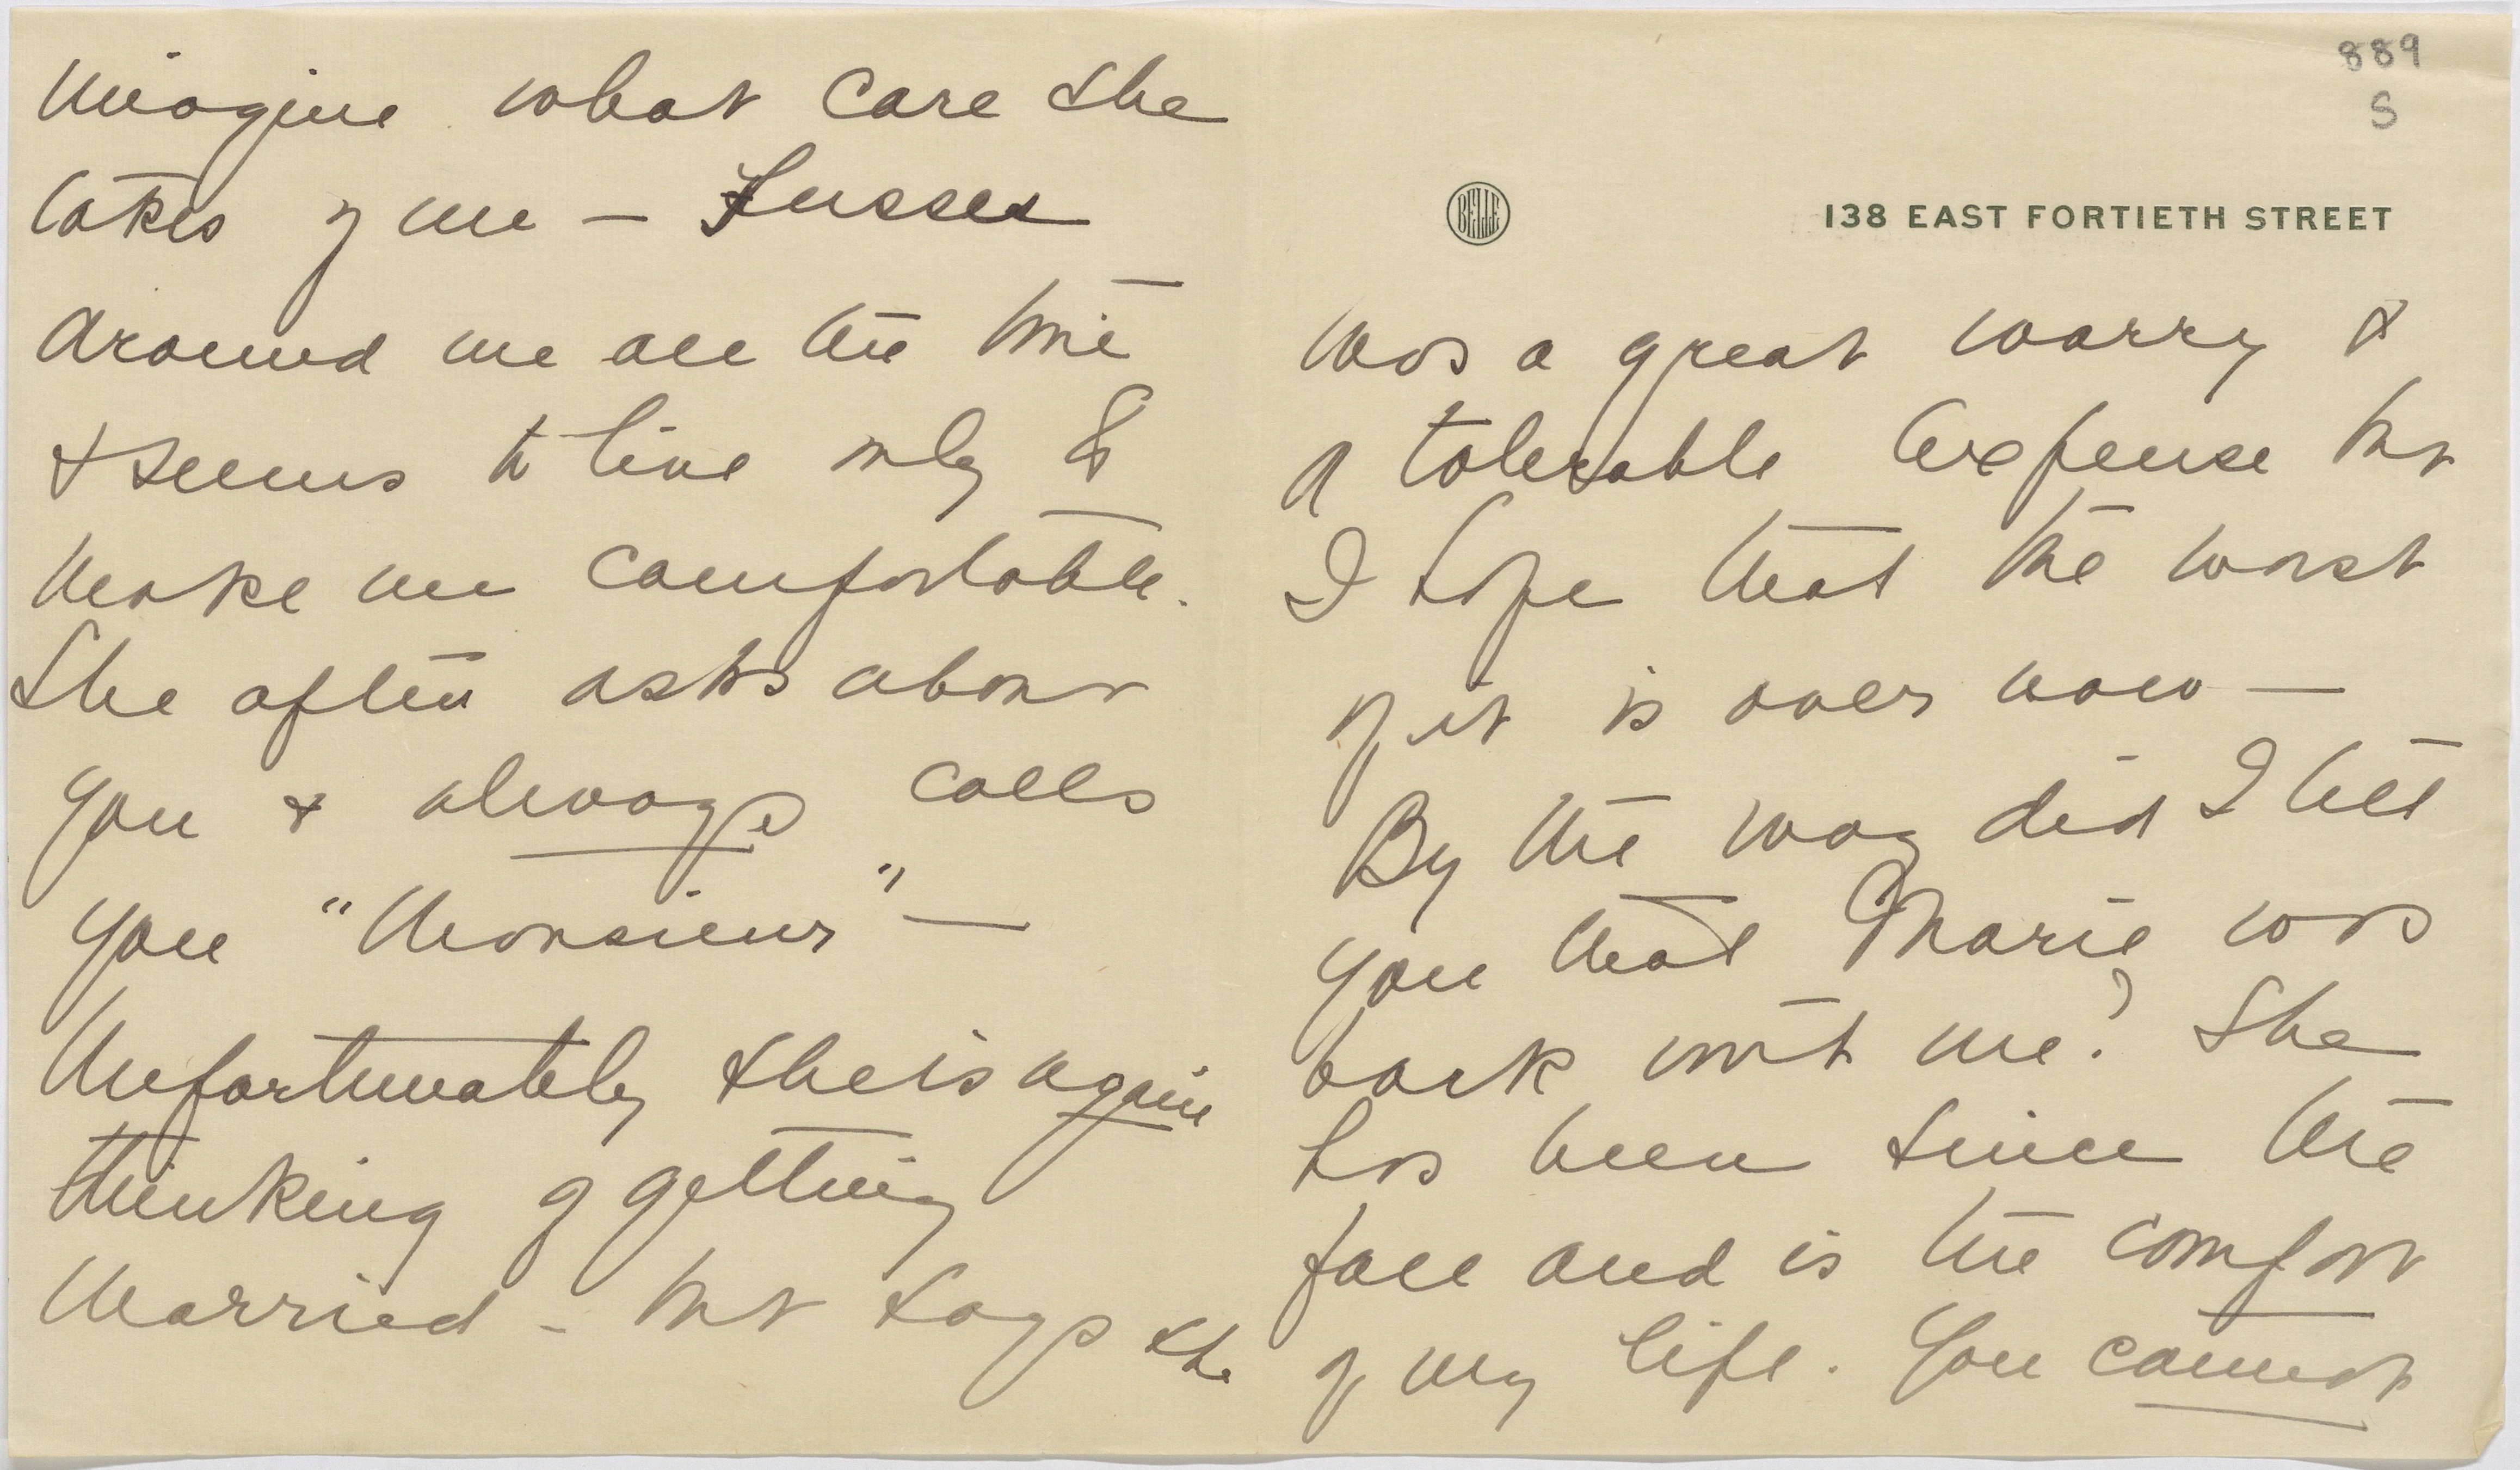was a great worry & a tolerable expense but I hope that the worst of it is over now – By the way did I tell you that Marie was back with me? She has been since the fall and is the comfort of my life. You cannot
imagine what care she takes of me – Fusses around me all the time & seems to live only to make me comfortable. She often asks about you & always calls you “Monsieur” –
Unfortunately she is again thinking of getting married – but says she